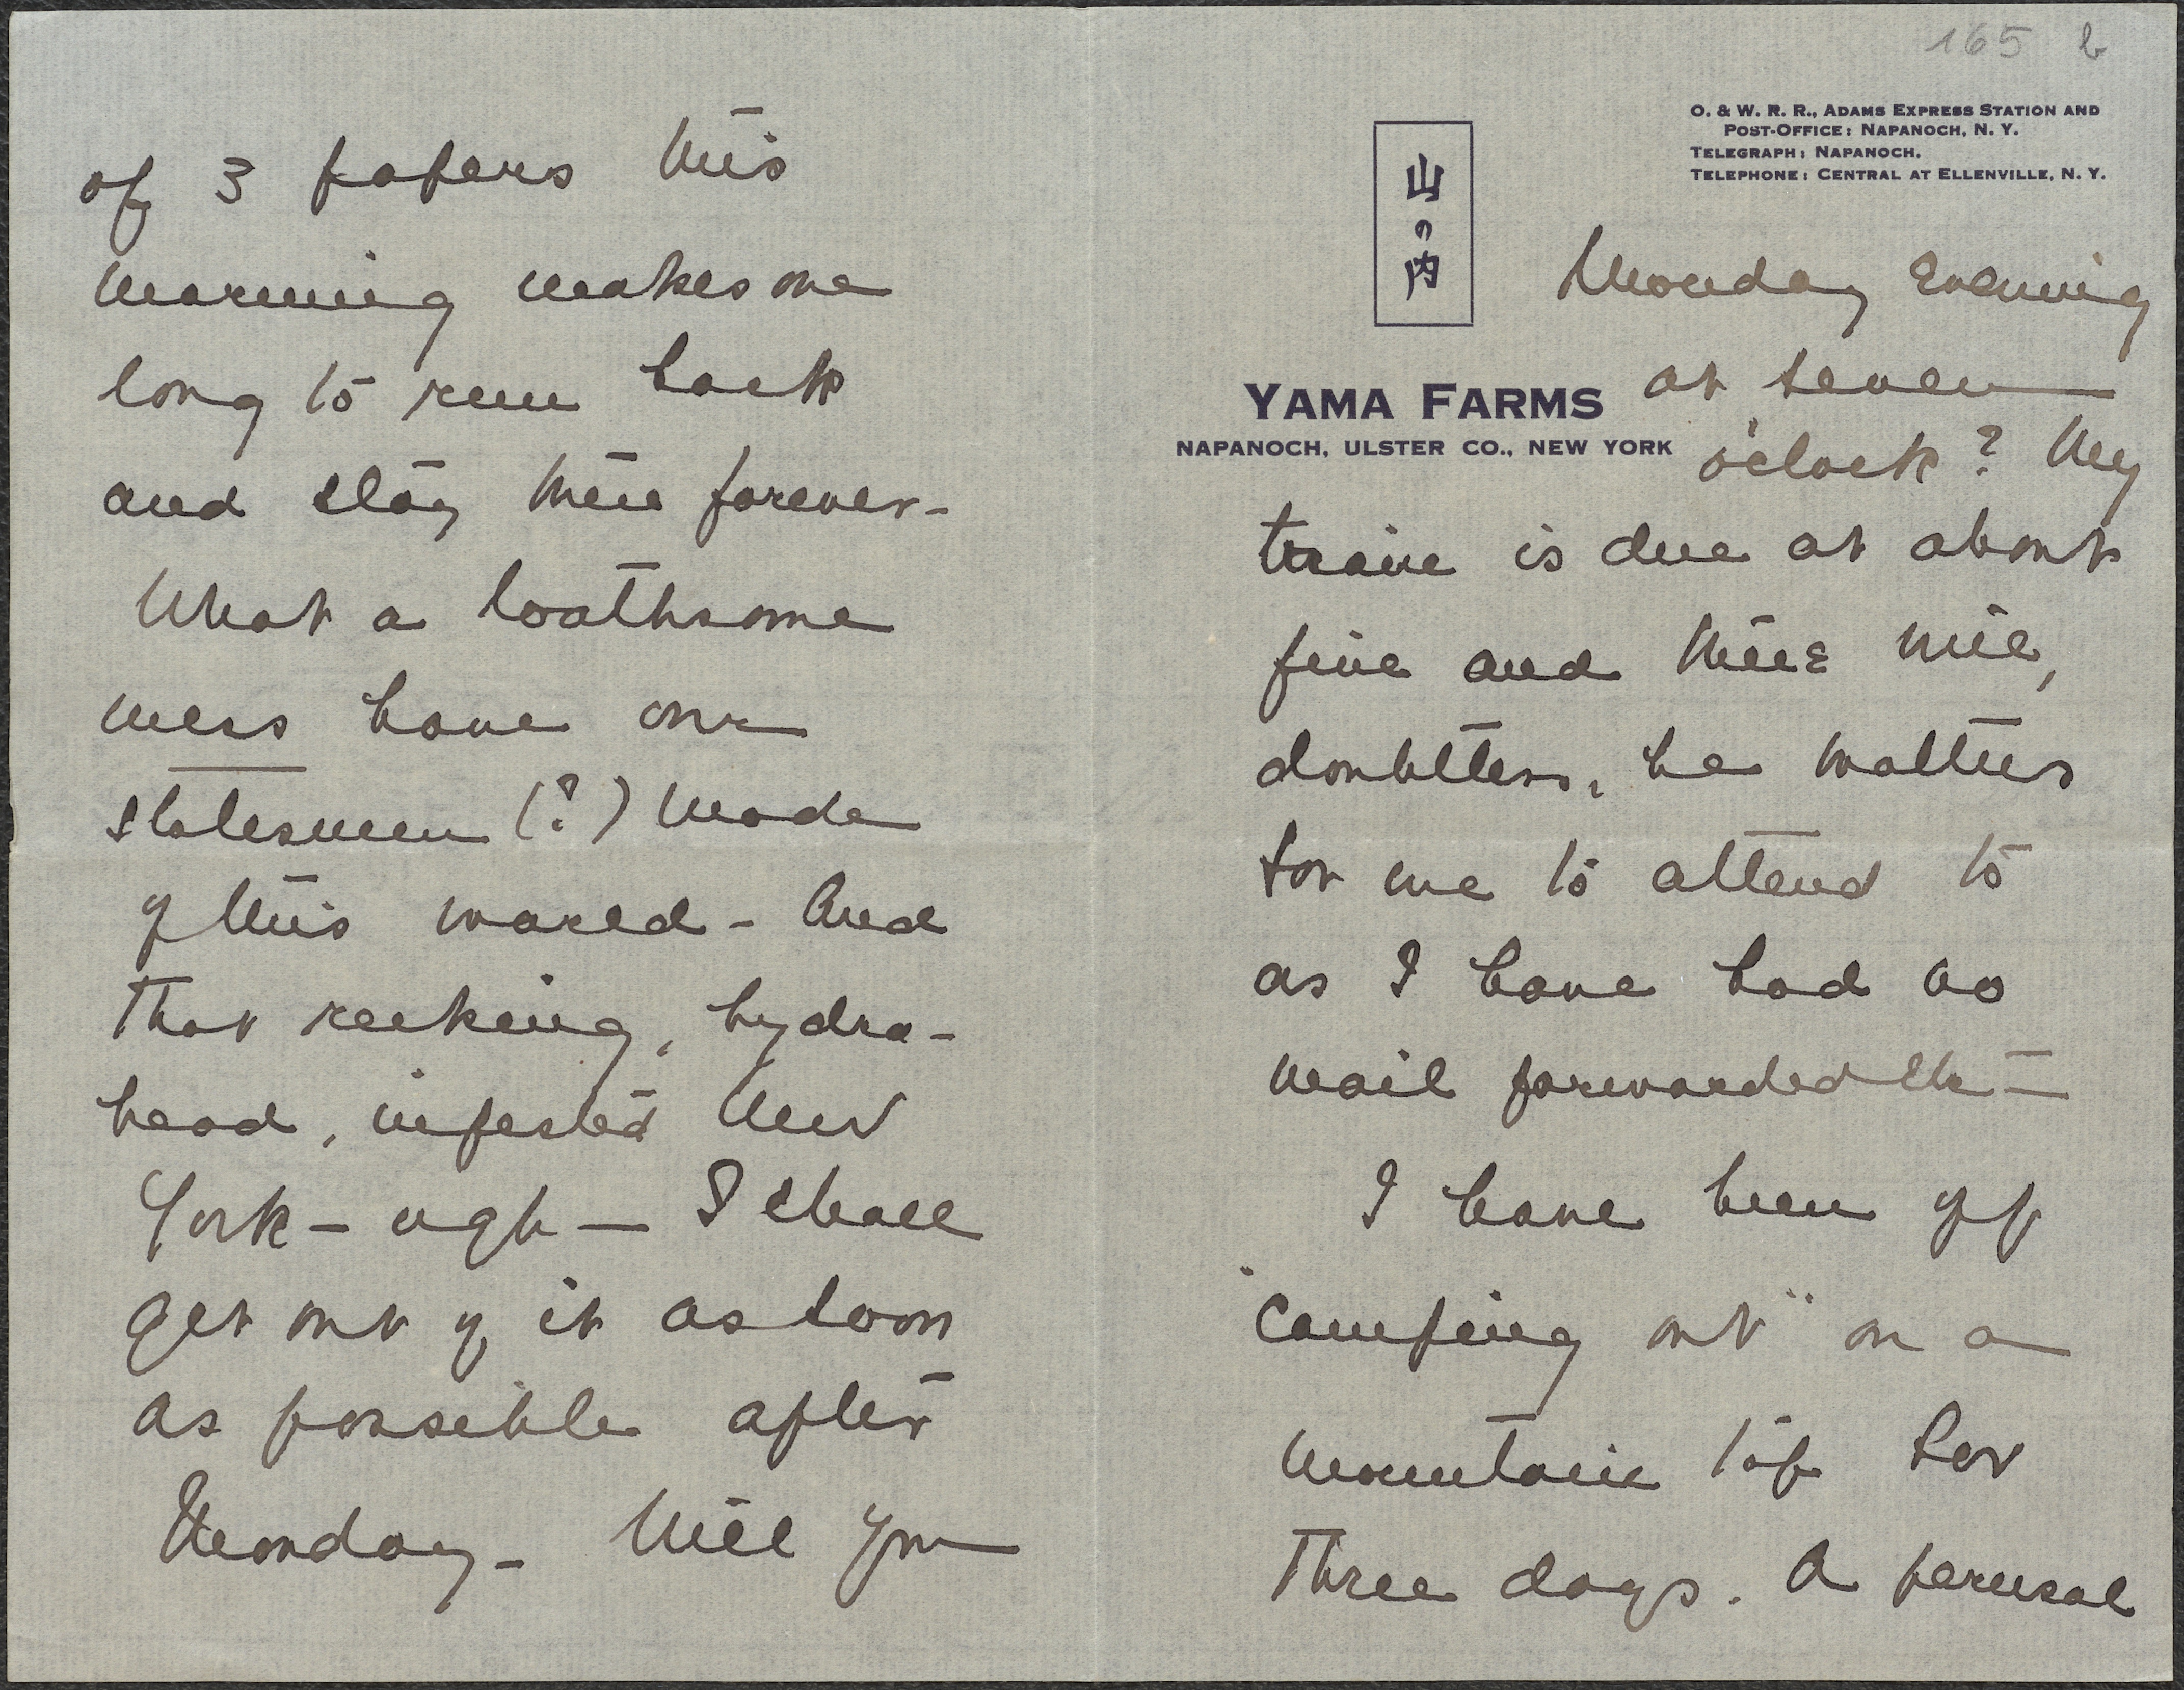Monday evening at seven o'clock? My train is due at about five and there will, doubtless, be matters for me to attend to as I have had no mail forwarded etc –
I have been off "camping out" on a mountain top for three days. A perusal
of 3 papers this morning makes one long to run back and stay there forever –
What a loathsome mess have our statesmen (?) made of this world – And that reeking, hydra-head, infested New York – ugh – I shall get out of it as soon as possible after Monday – Will you